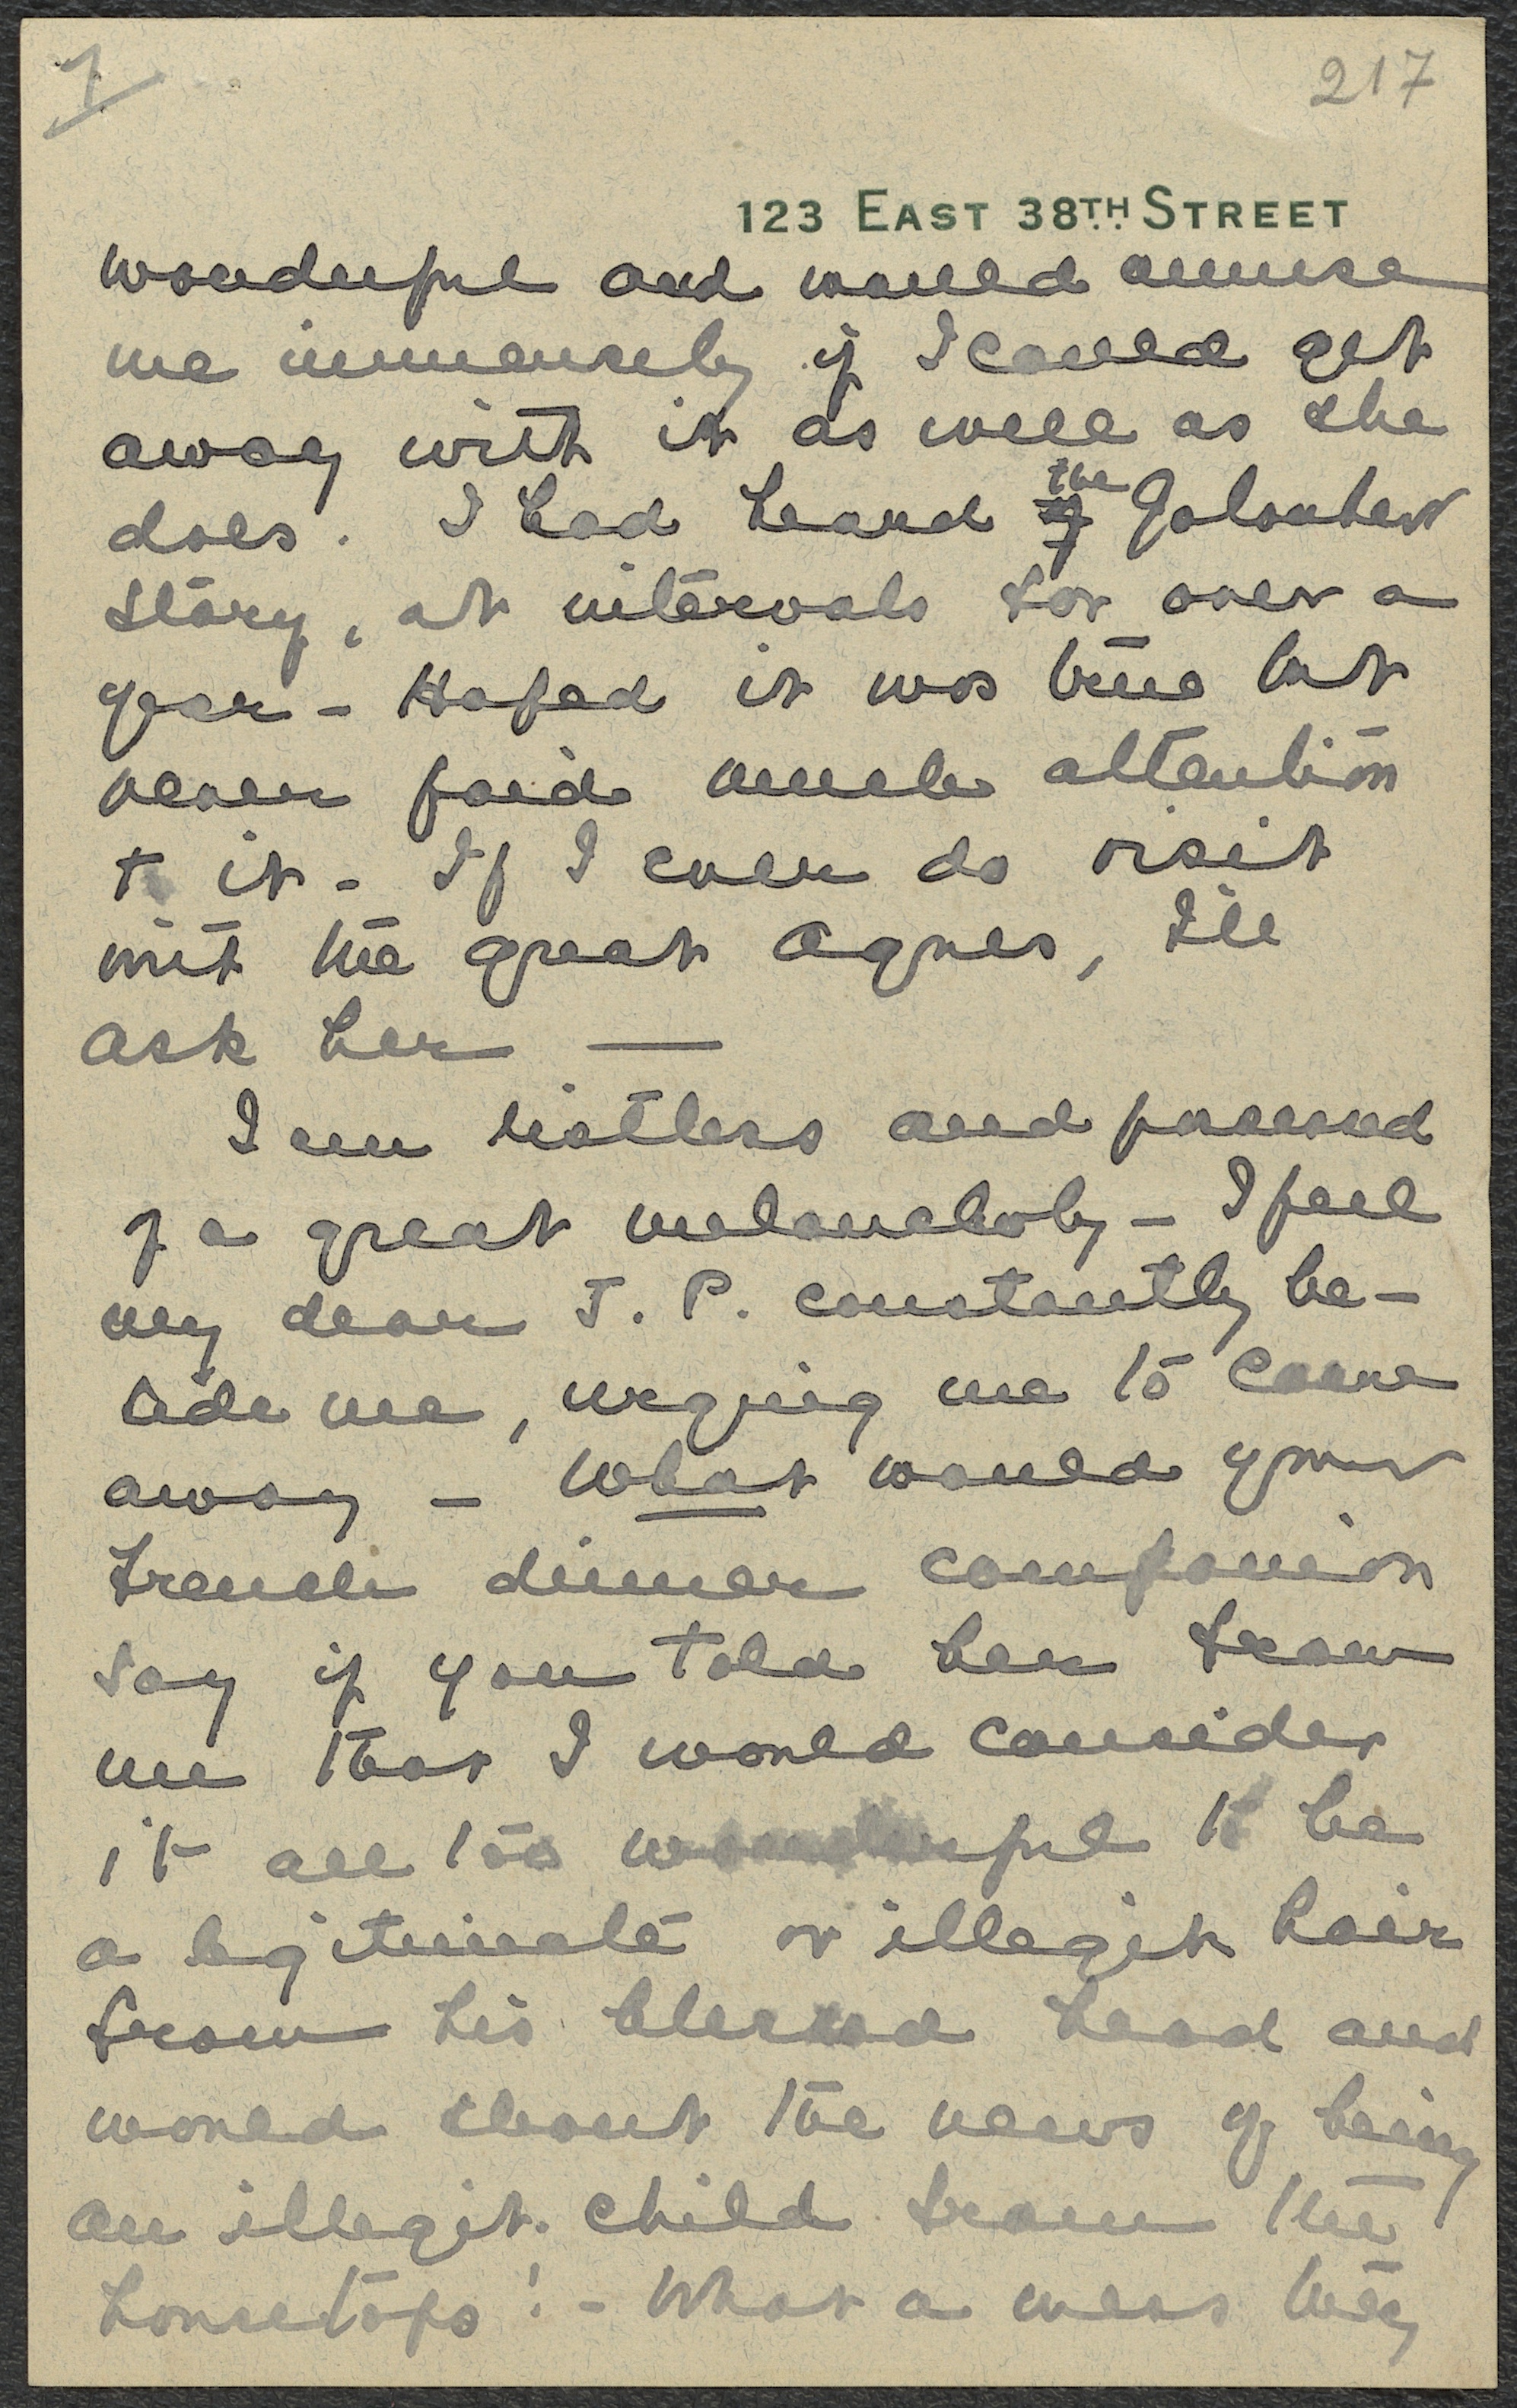7
wonderful and would amuse me immensely if I could get way with it as well as she does. I had heard of [^the^] Gallanter [?] story, at intervals for over a year – Hoped it was true but never paid much attention to it – If I ever do visit with the great Agnes, I’ll ask her –
I am listless and possessed of a great melancholy – I feel my dear J.P. constantly beside me, urging me to come away – What would your French dinner companion say if you told her from me that I would consider it all too wonderful to be a legitimate or illegit hair from his blessed head and would shout the news of being an illegit. child beau from the rooftops! – What a mess they